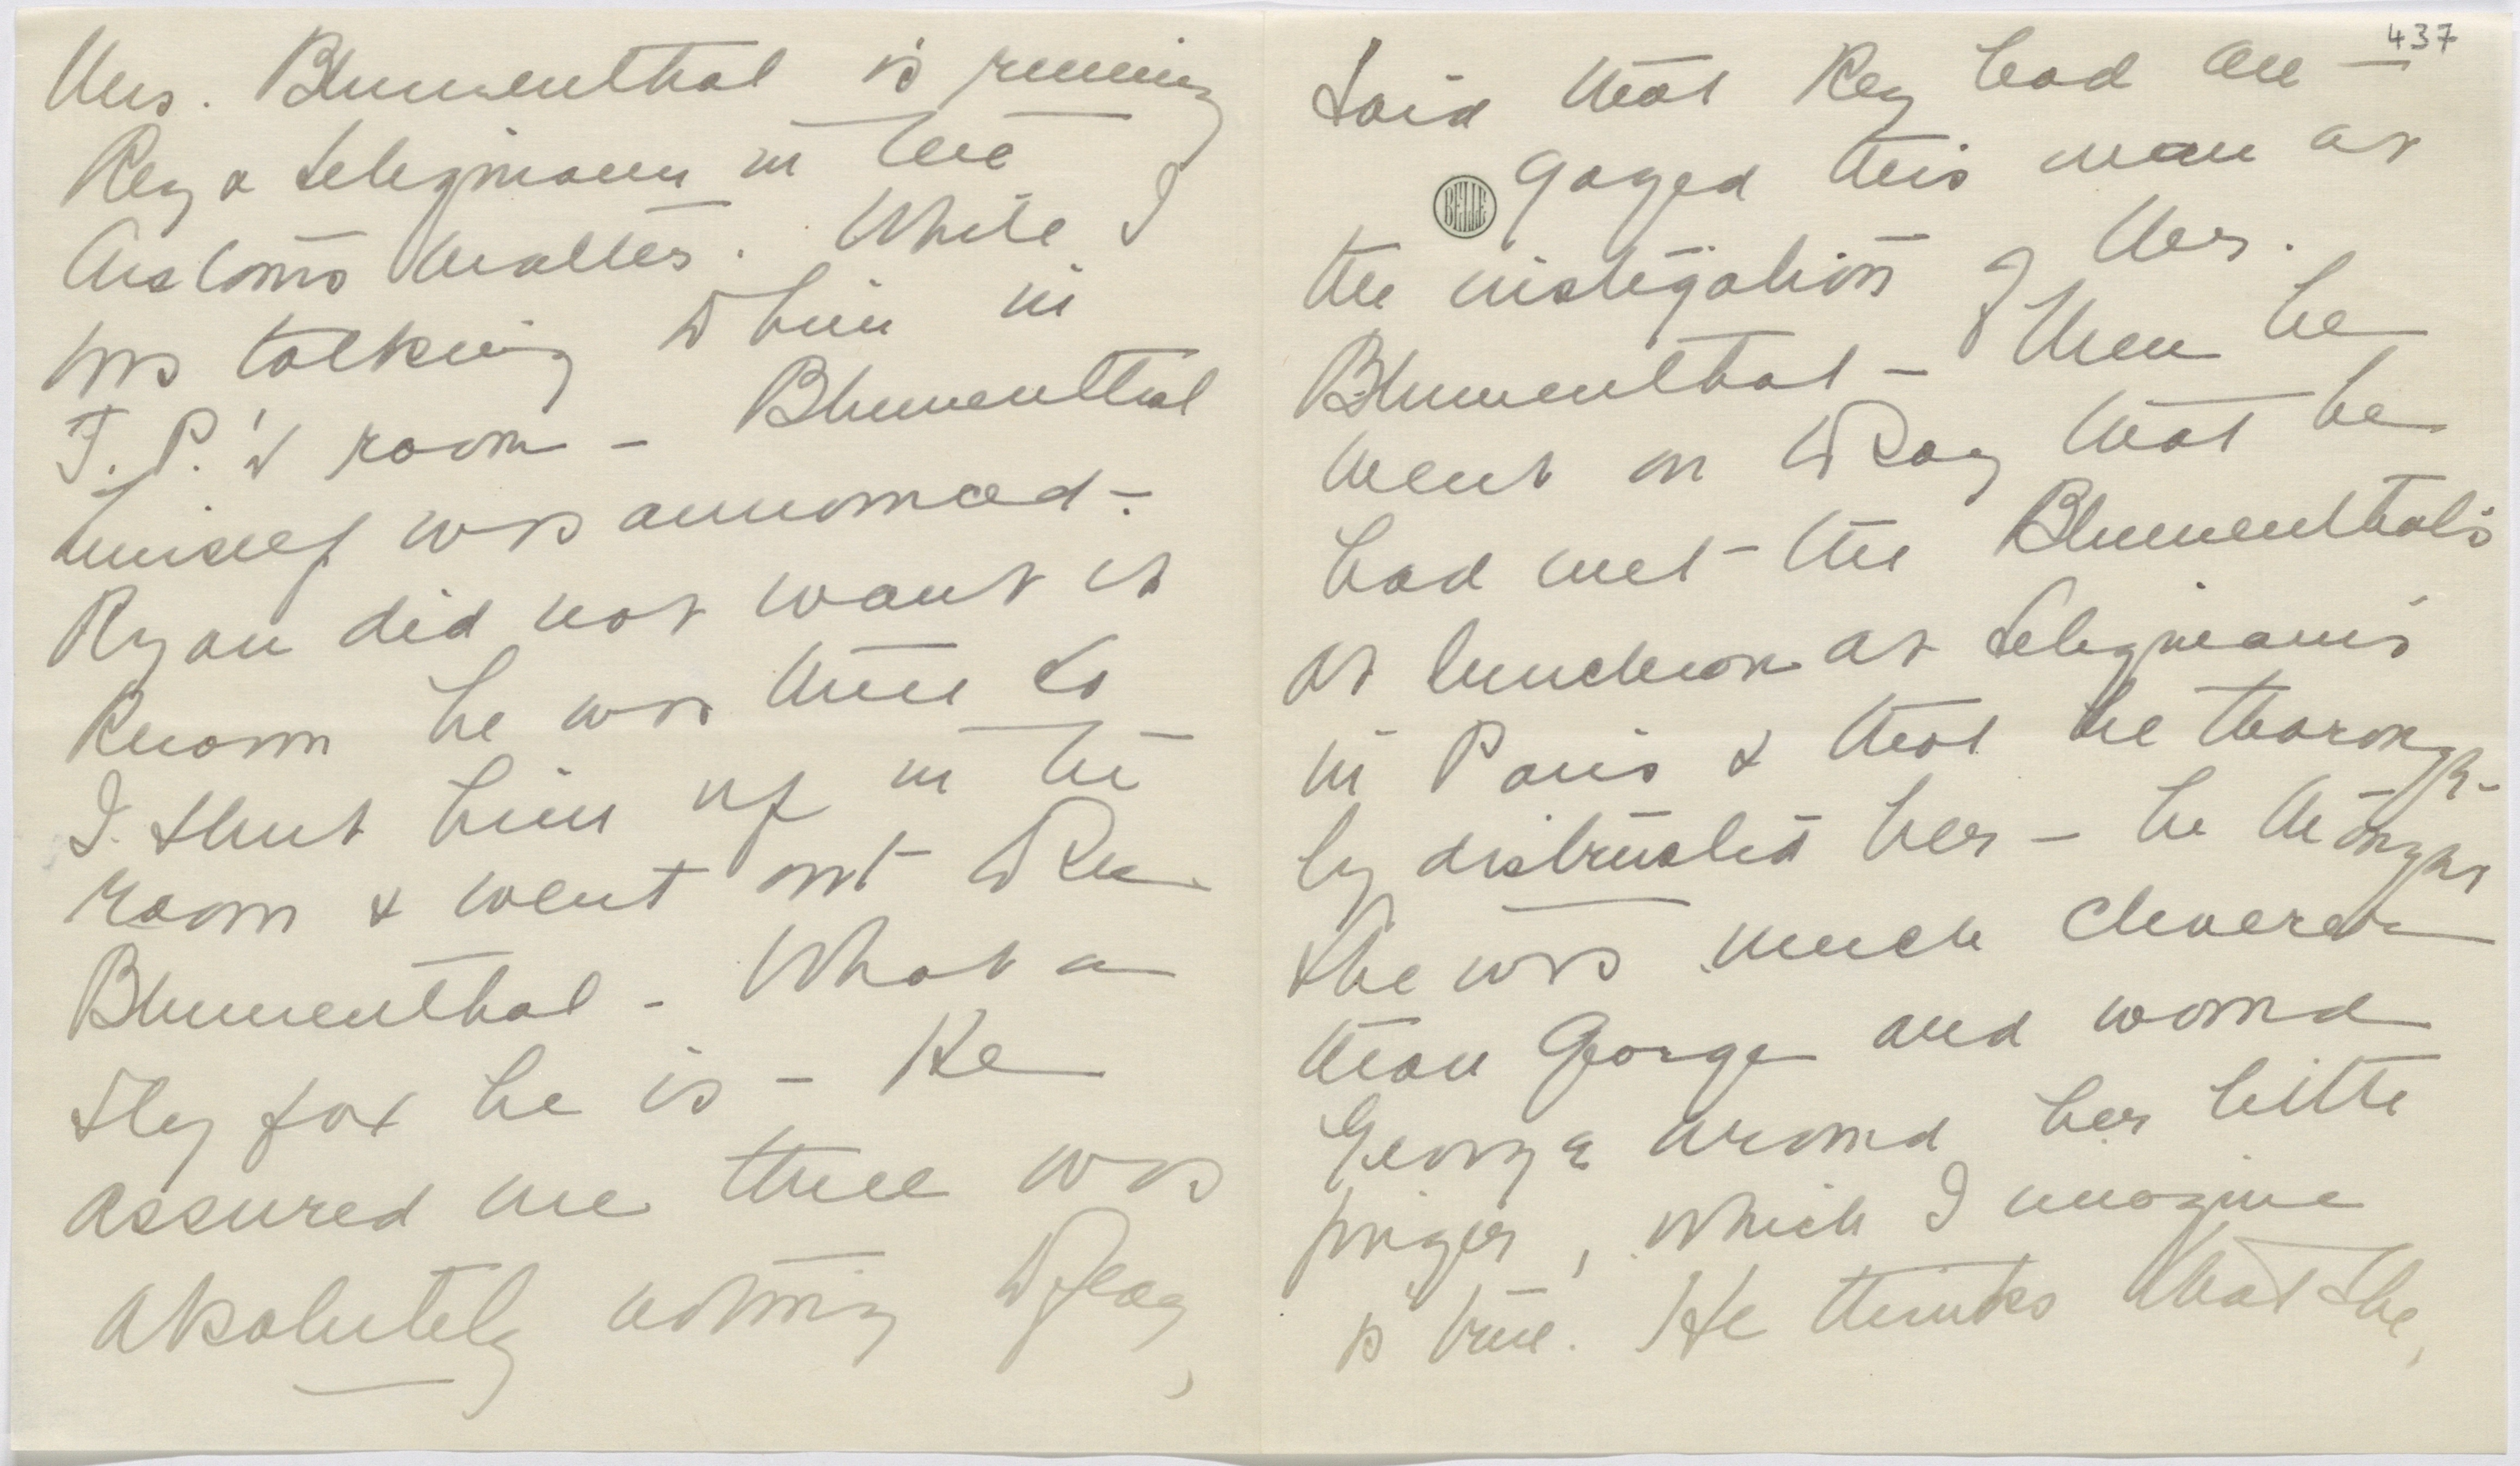said that Rey had engaged this man at the investigation of Mr. Blumenthal – Then he went on to say that he had met the Blumenthal’s at luncheon at Seligmann’s in Paris & that he thoroughly distrusted her – he thought She was much cleverer than George and wound George around her little finger, which I imagine is true. He thinks that she,
Mrs. Blumenthal is running Rey & Seligmann in the Customs matter. While I was talking to him in J.P.’s room – Blumenthal himself was announced – Ryan did not want it known he was there so I shut him up in the room & went out to see Blumenthal – What a sly fox he is – he assured me there was absolutely nothing to say,